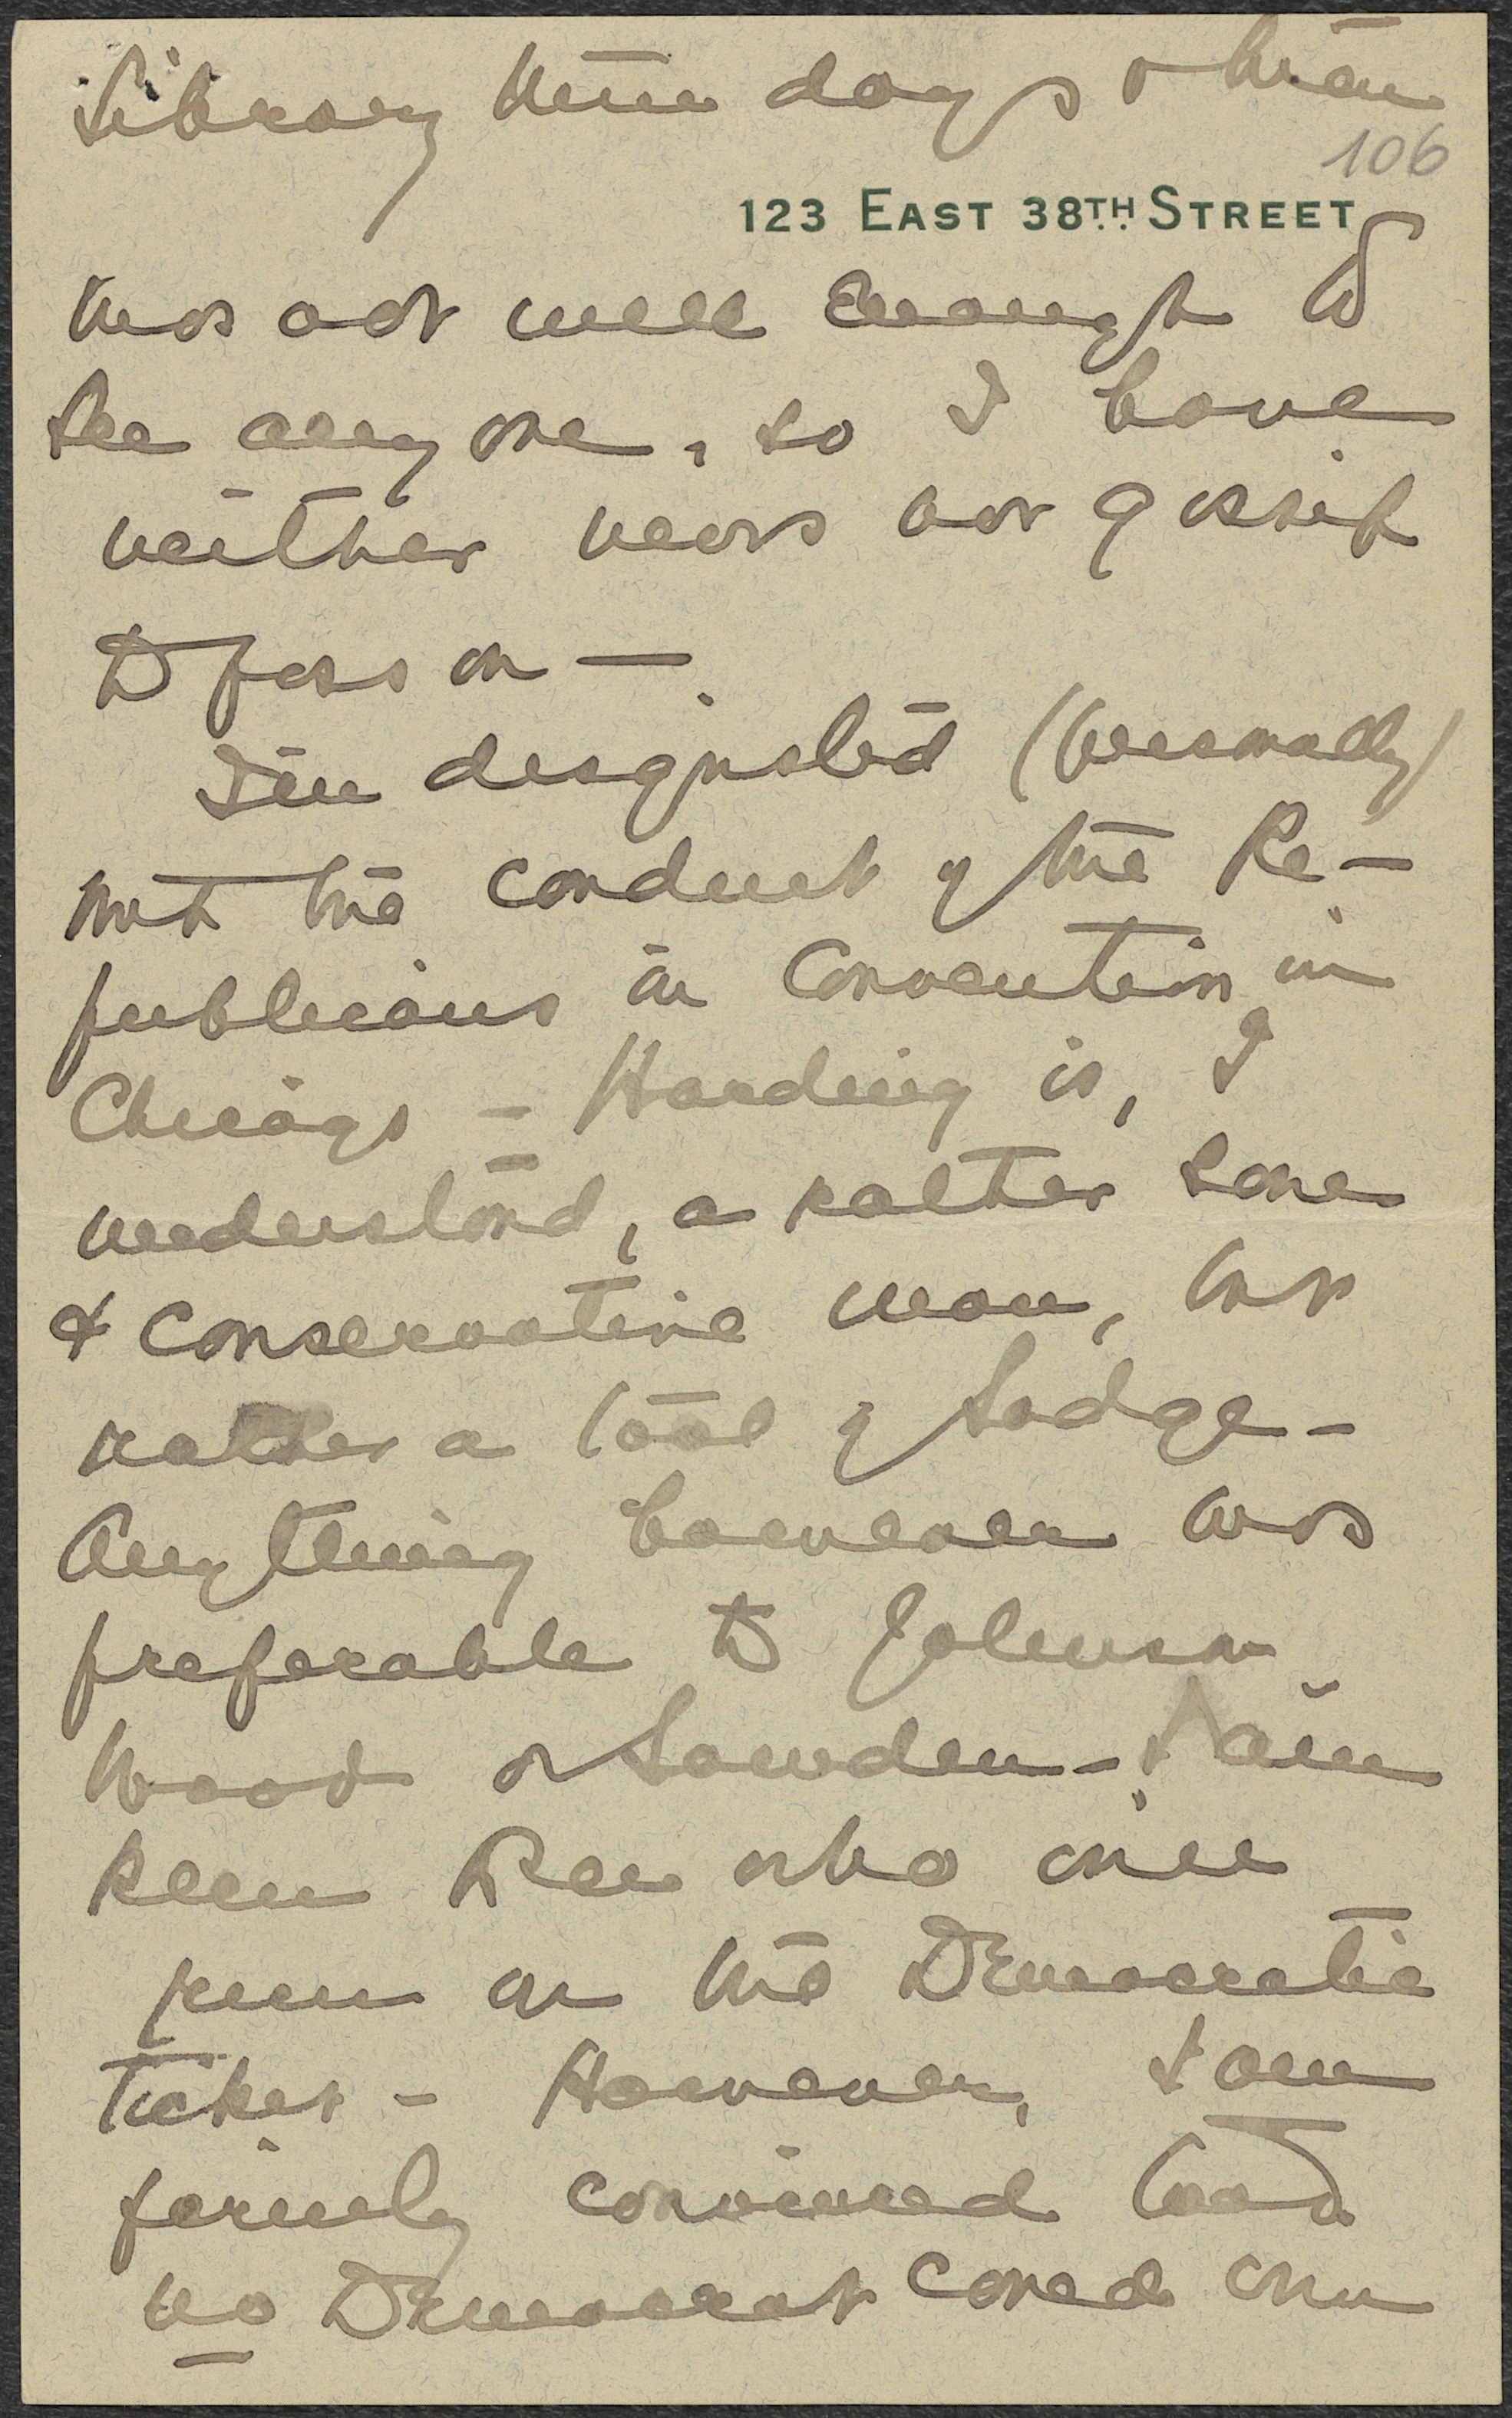Library three days & then was not well enough to see any one, so I have neither news nor gossip to pass on –
I’m disgusted (personally) with the conduct of the Republicans in convention in Chicago – Harding is, I understand, a rather sane & conservative man, but rather a tool of Lodge – Anything however was preferable to Johnson Wood or Lowden – I am keen to see who will run on the Democratic ticket – However I am firmly convinced that no Democrat could win